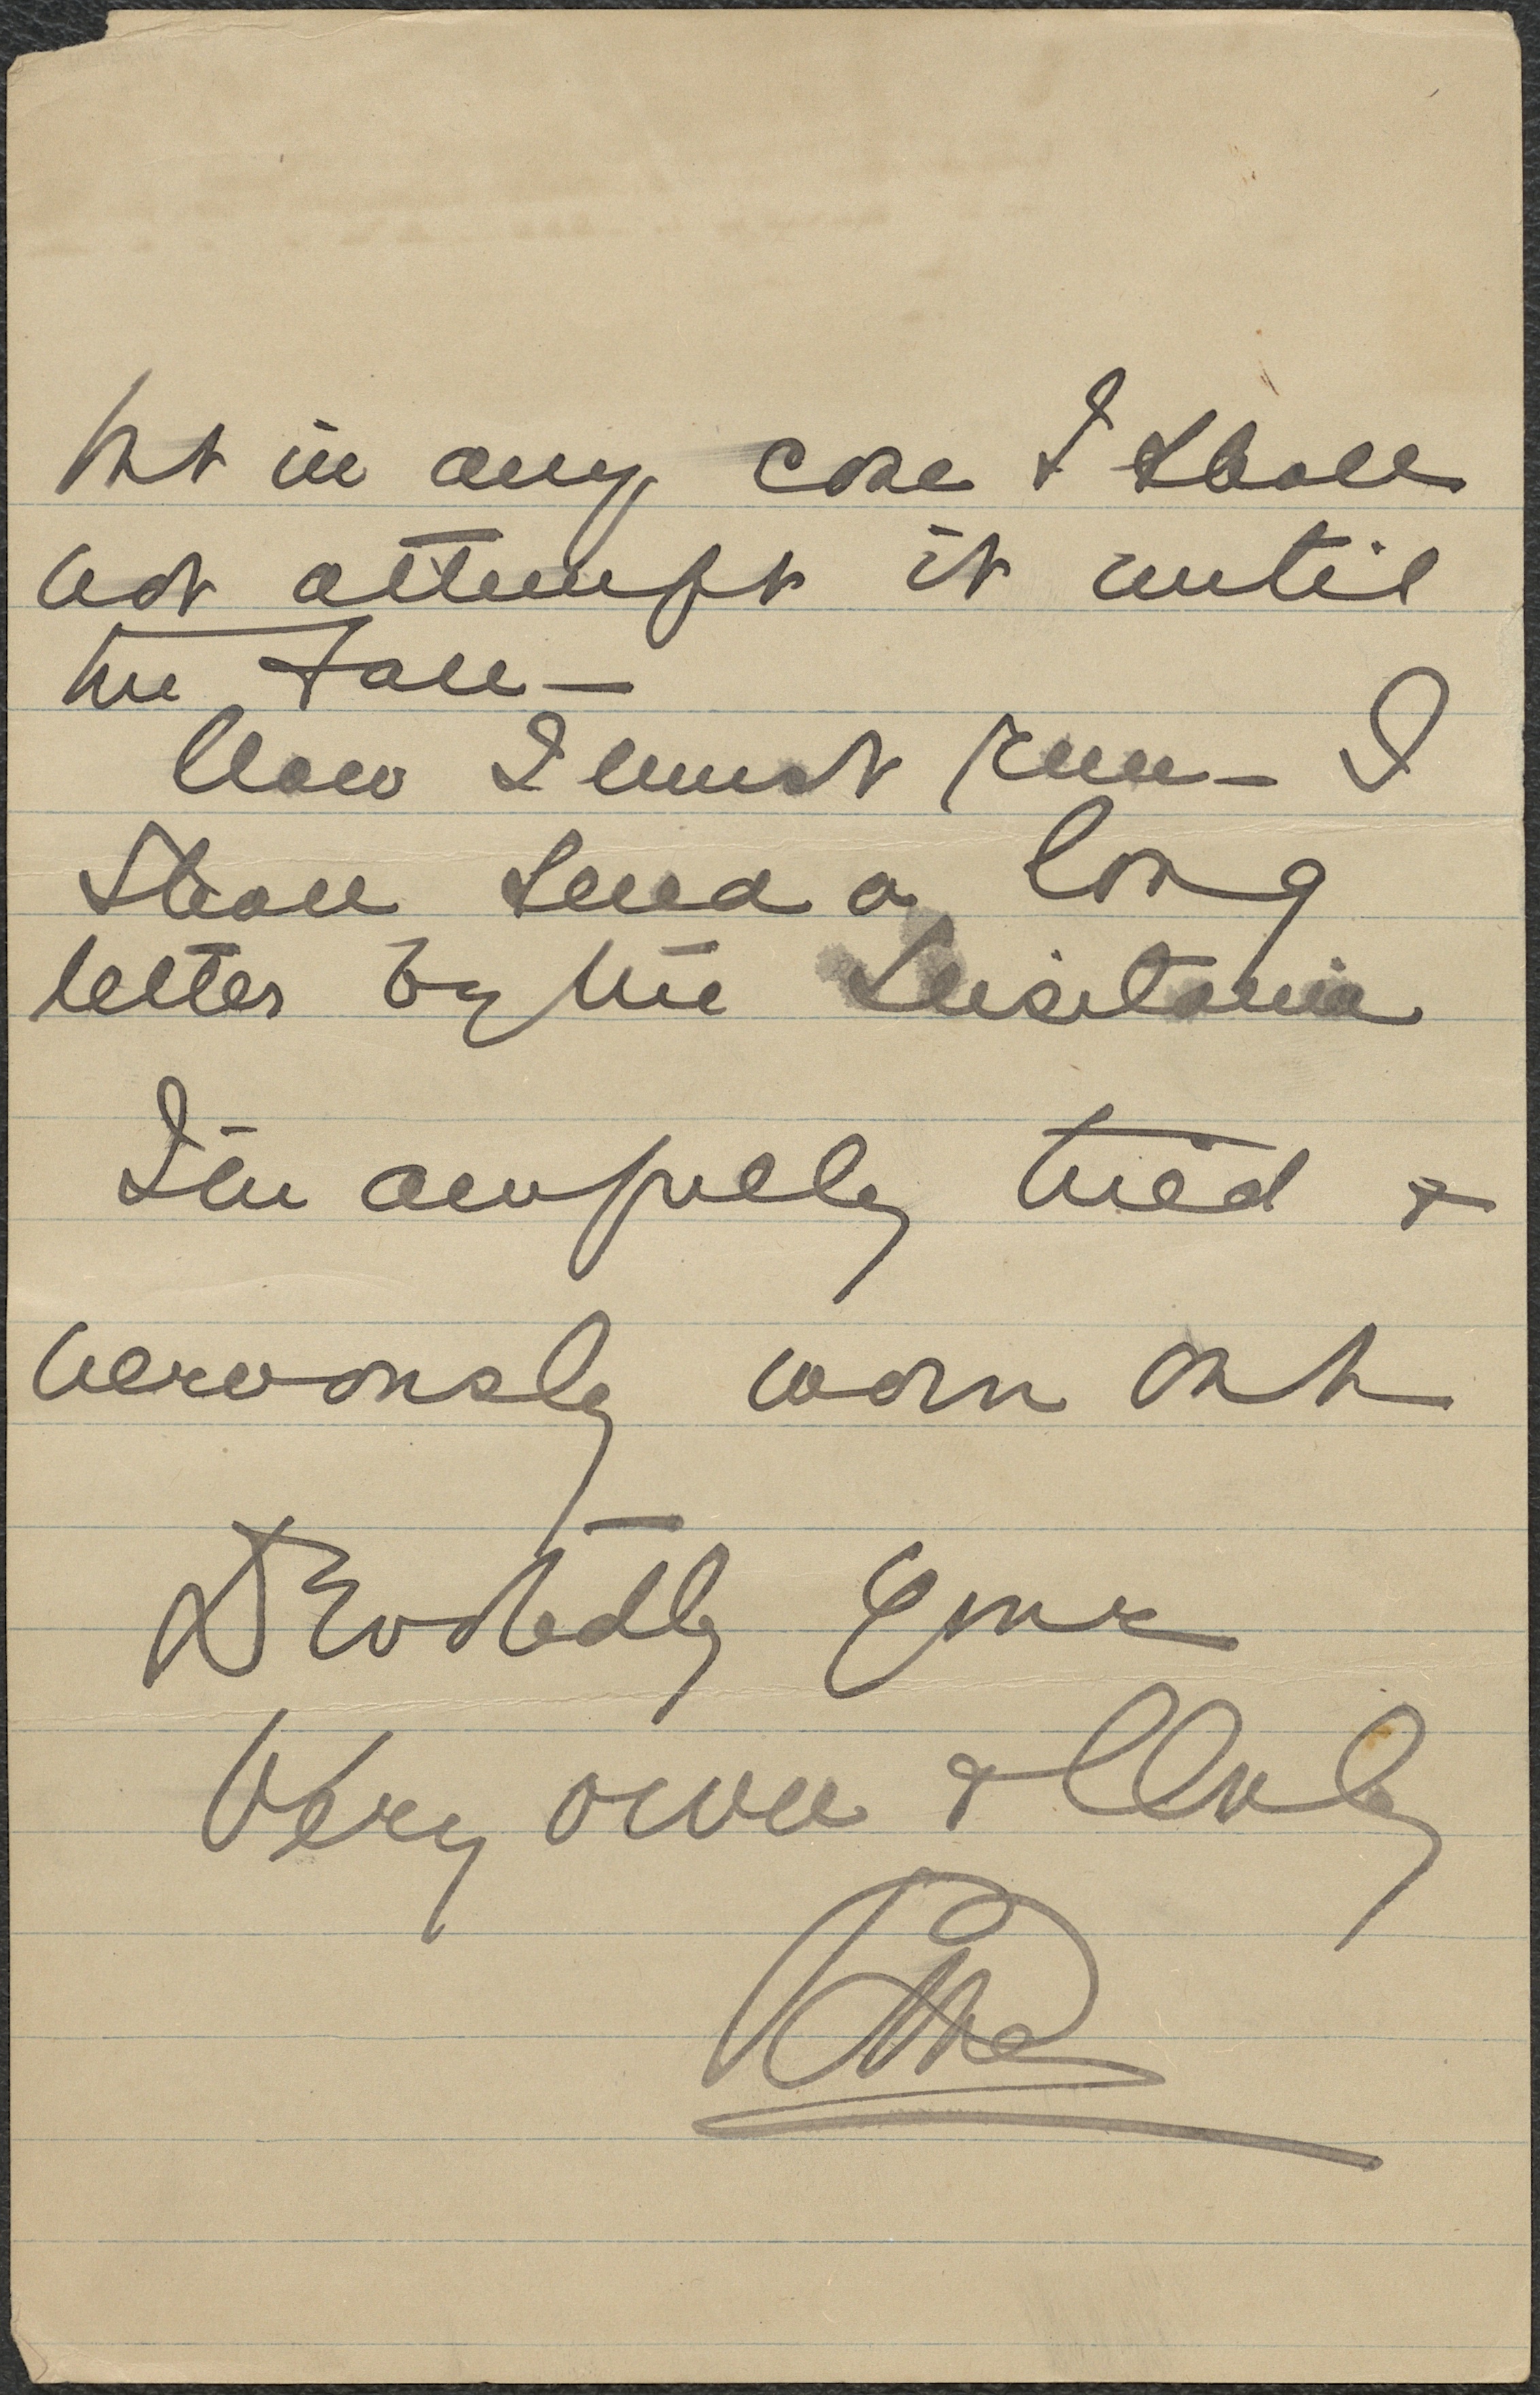but in any case I shall not attempt it until the fall –
Now I must run – I shall send a long letter by the Lusitania
I’m awfully tired & nervously worn out
Devotedly your very own & only
Belle